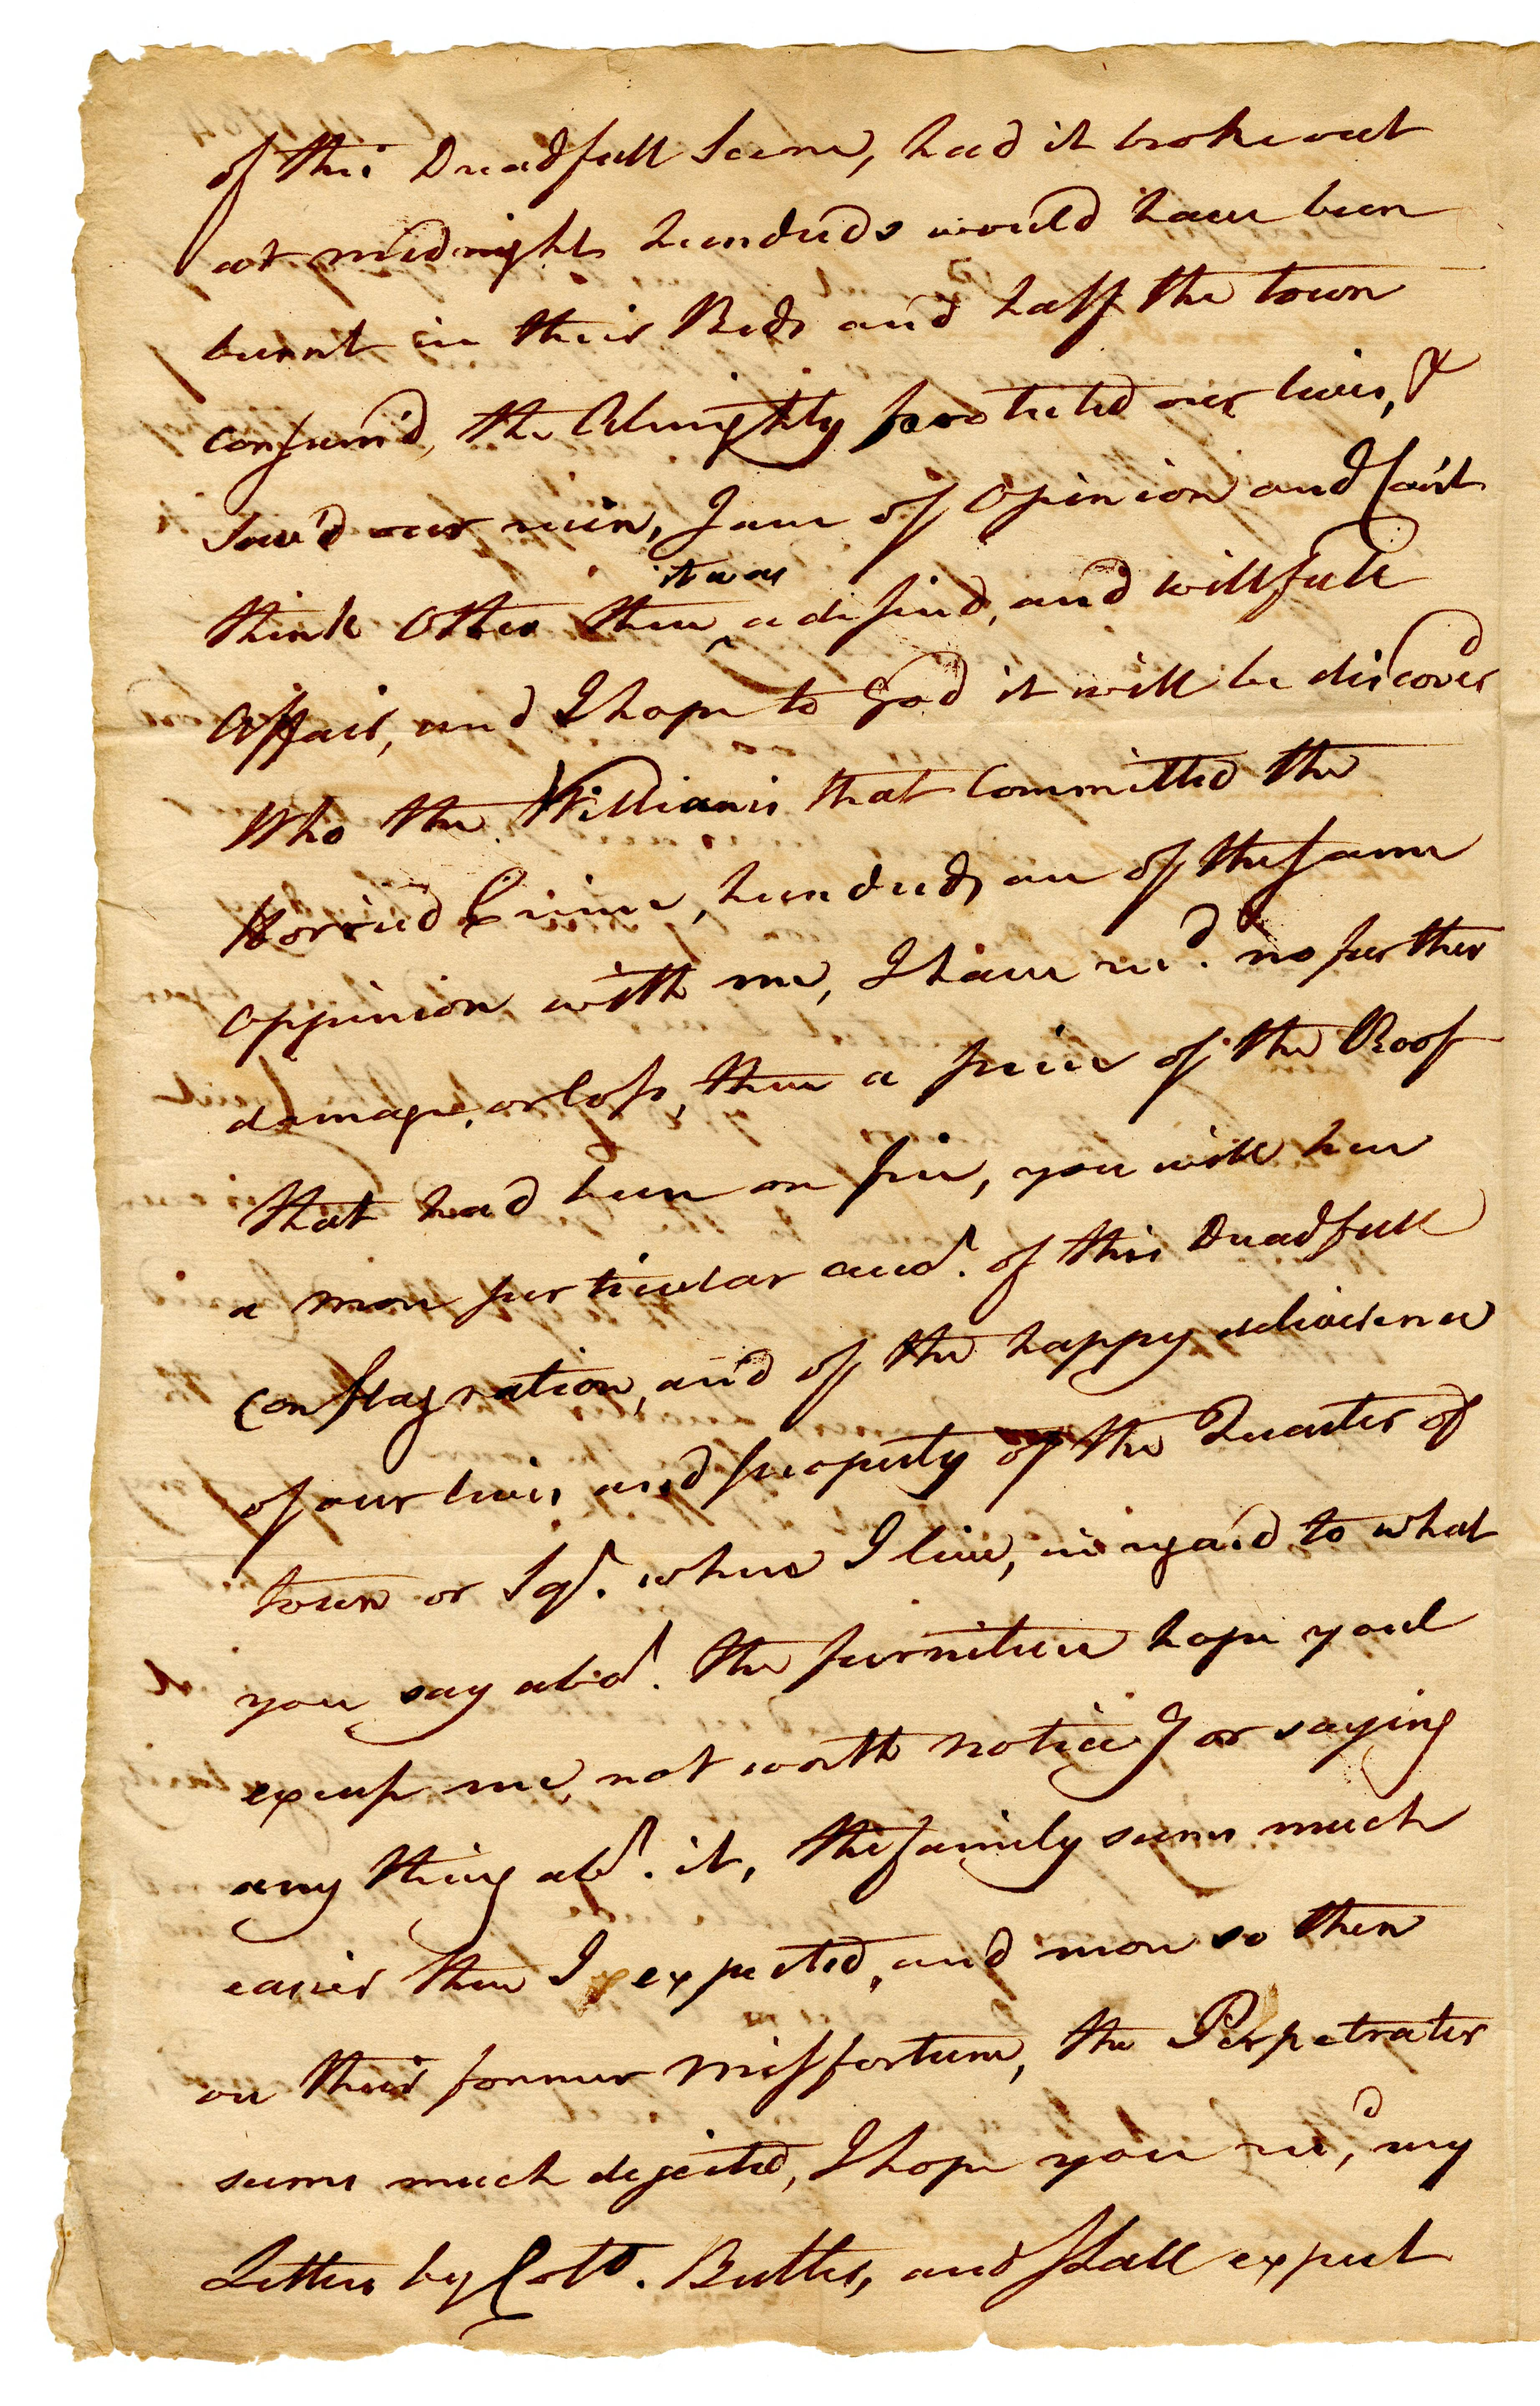of this Dreadfull scene, had it broke out
at midnight hundreds would have been
burnt in their Beds and half the town
consum'd, the Almighty protected our lives, &
sav'd our ruin, I am of opinion and Can't
it was
think other the ^ a defind and willfull
affair, and I hope to God it will be discover^d
Who the Villian is that Committd the
Horrid crime, hundreds are of the same
oppinion, with me, I have rec^d. no further
damage or loss, then a piece of the Roof
that had been on fire, you will here
a more particular acco^t. of this Dreadfull
conflagration, and of the happy acliactence
of our ties and prosperity of the Lancaster of
town or Sq^r. where I live, in regard to what
you say abo^t. the furniture hope youl
excuse me not with notice^g or saying
any thing ab^t. it, the family seems much
easier then I expected, and now so then
on ther forner misfortune, the Perpatrator
seems much neglected, I hope you rec^d, my
Letters by Colo. Buttes, and shall expect